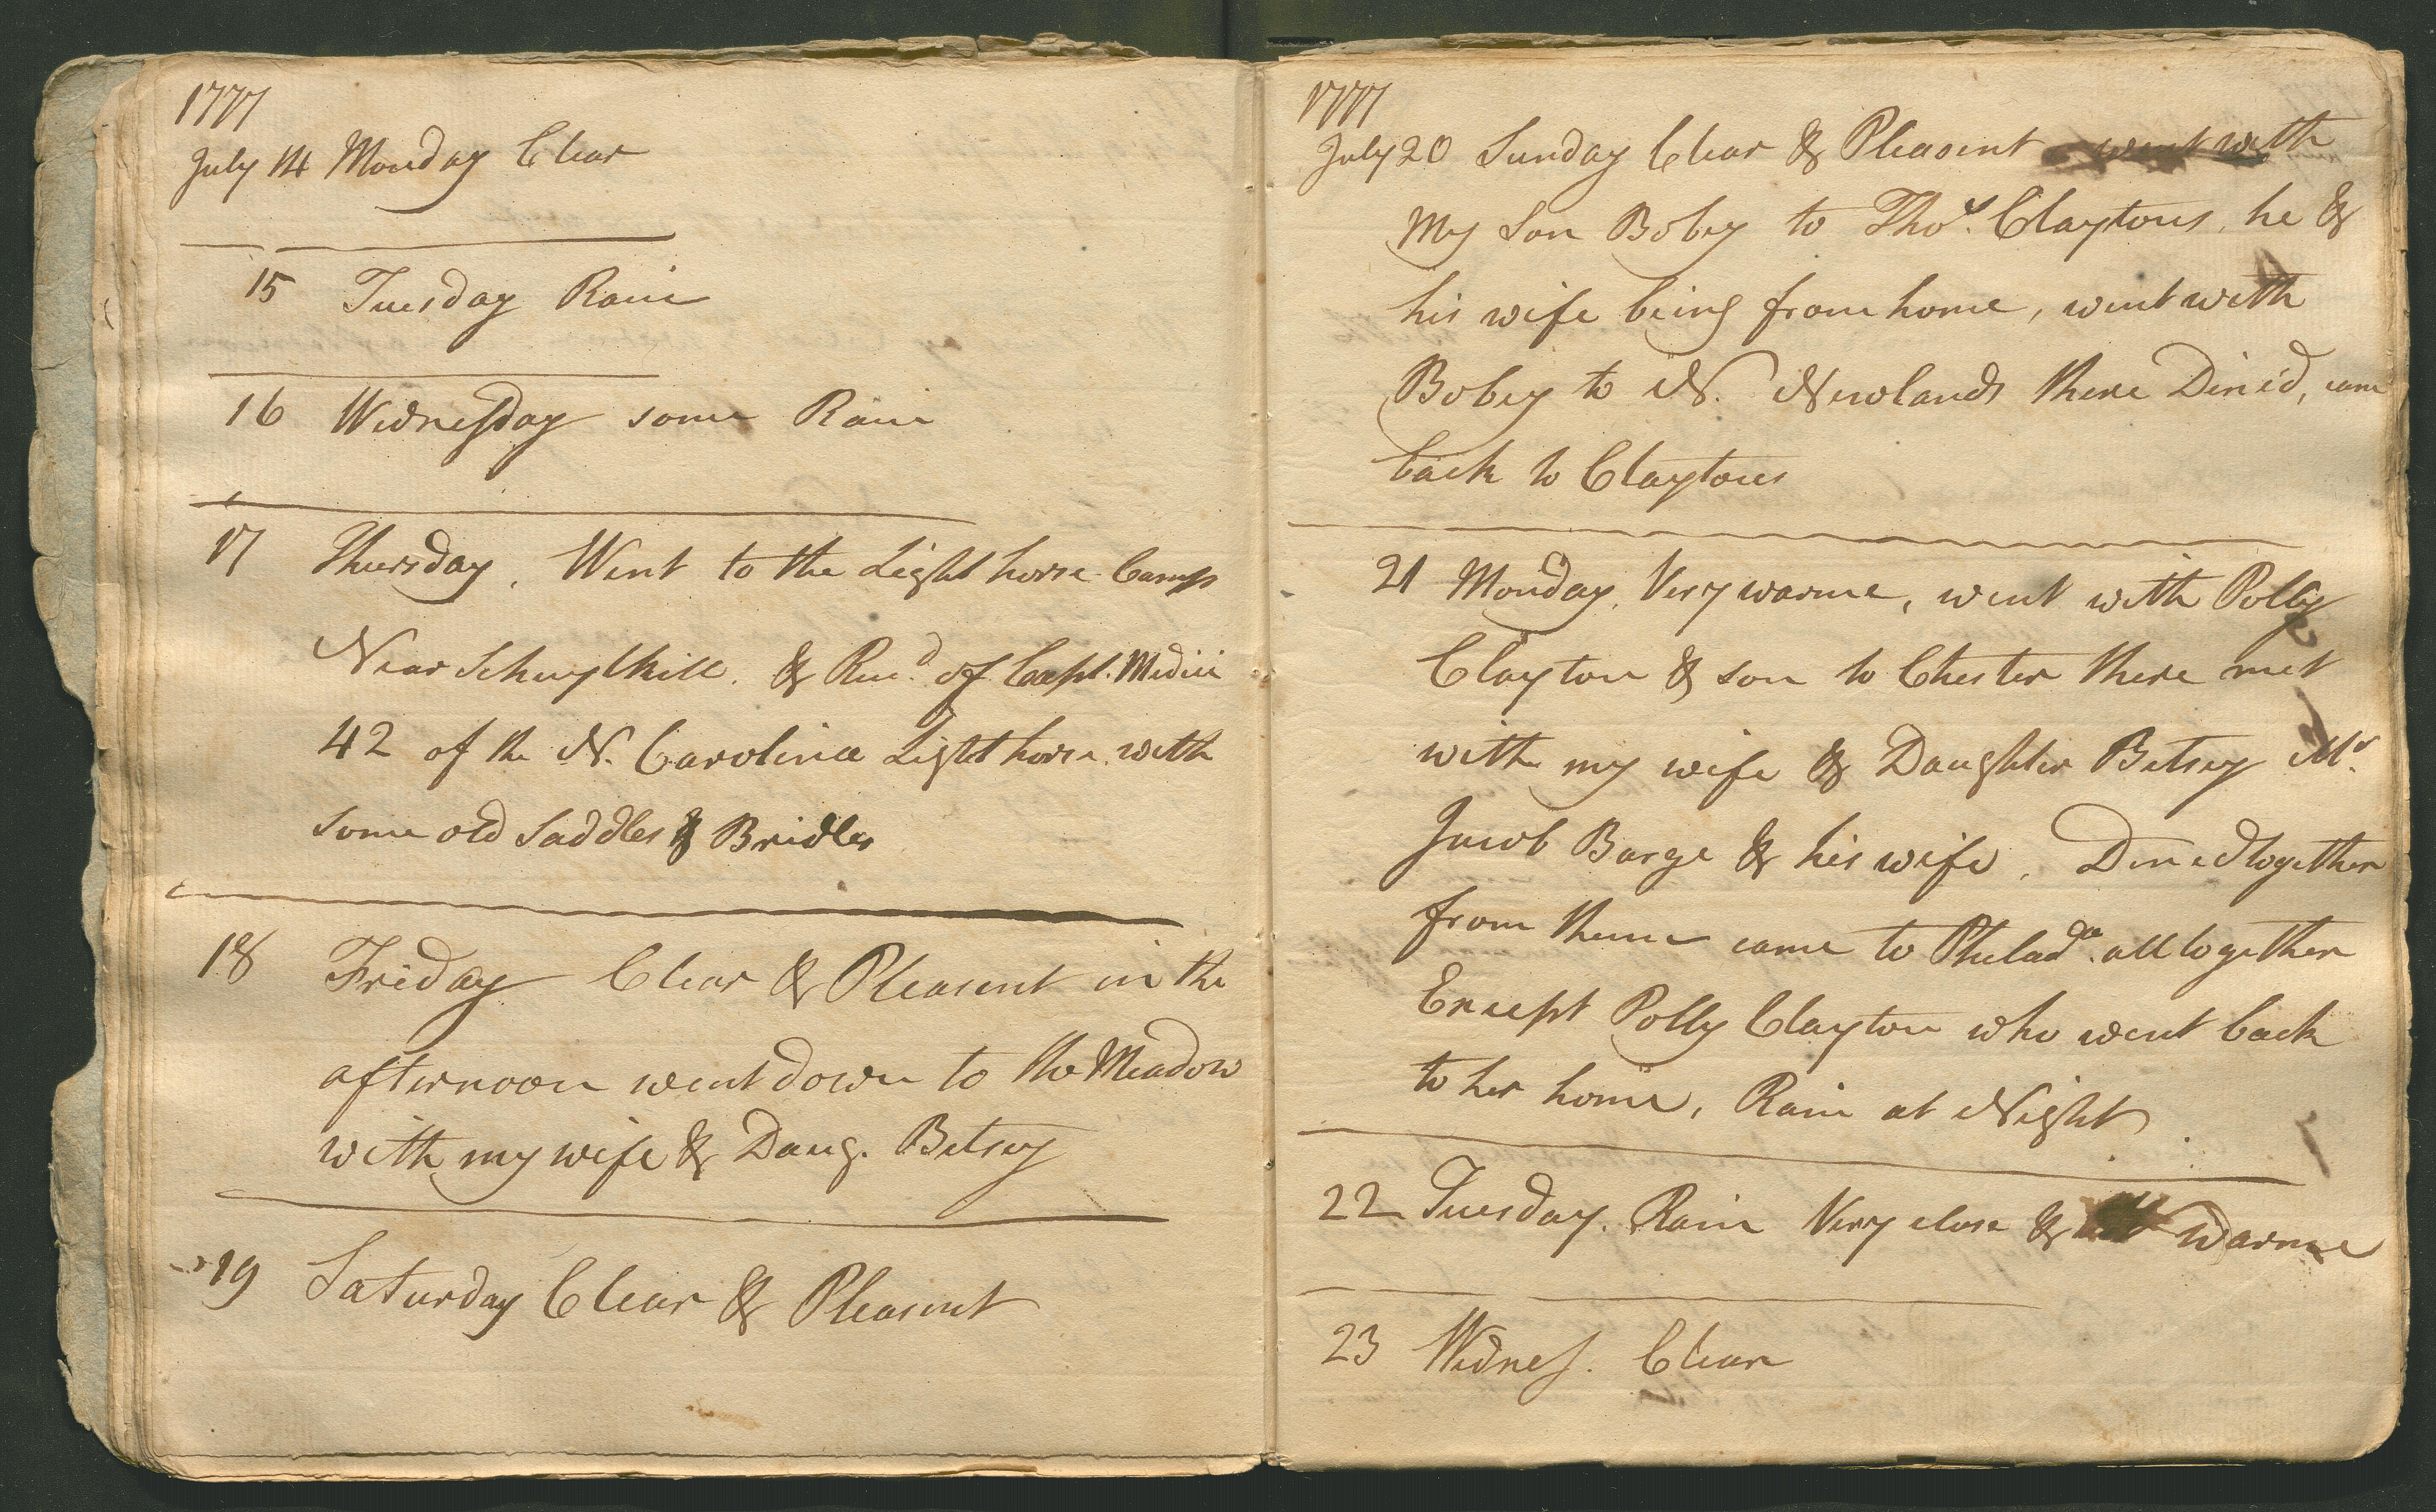1777
July 1 Monday Clear
15 Tuesday Rain
16 Wednesday some Rain
17 Thursday, Went to the Light horse Camp
Near Schuylkill. & Rec^d. of Capt. Medici
42 of the N^r. Carolina Light horse with
some old Saddles & Bridles
18 Friday Clear & Pleasent in the
afternoon went down to the Meadow
with my wife & Daug^r. Betsey
19 Saturday Clear & Pleasent
1777
July 20 Sunday Clear & Pleasent went with
My Son Bobey to Tho^s. Claytons, he &
his wife being from home, went with
Bobey to N. Newlands there Dine'd, cam
back to Claytons
21 Monday, Very warme, went with Polly
Clayton & son to Chester these met
with my wife & Daughter Betsey M^r.
Jacob Barge & his wife, Dined together
from thence came to Philad^a. all l\together
Except Polly Clayton who went back
to her home, Rain at Night
22 Tuesday. Rain Very close & [__] Warme
23 Wednes. Clear